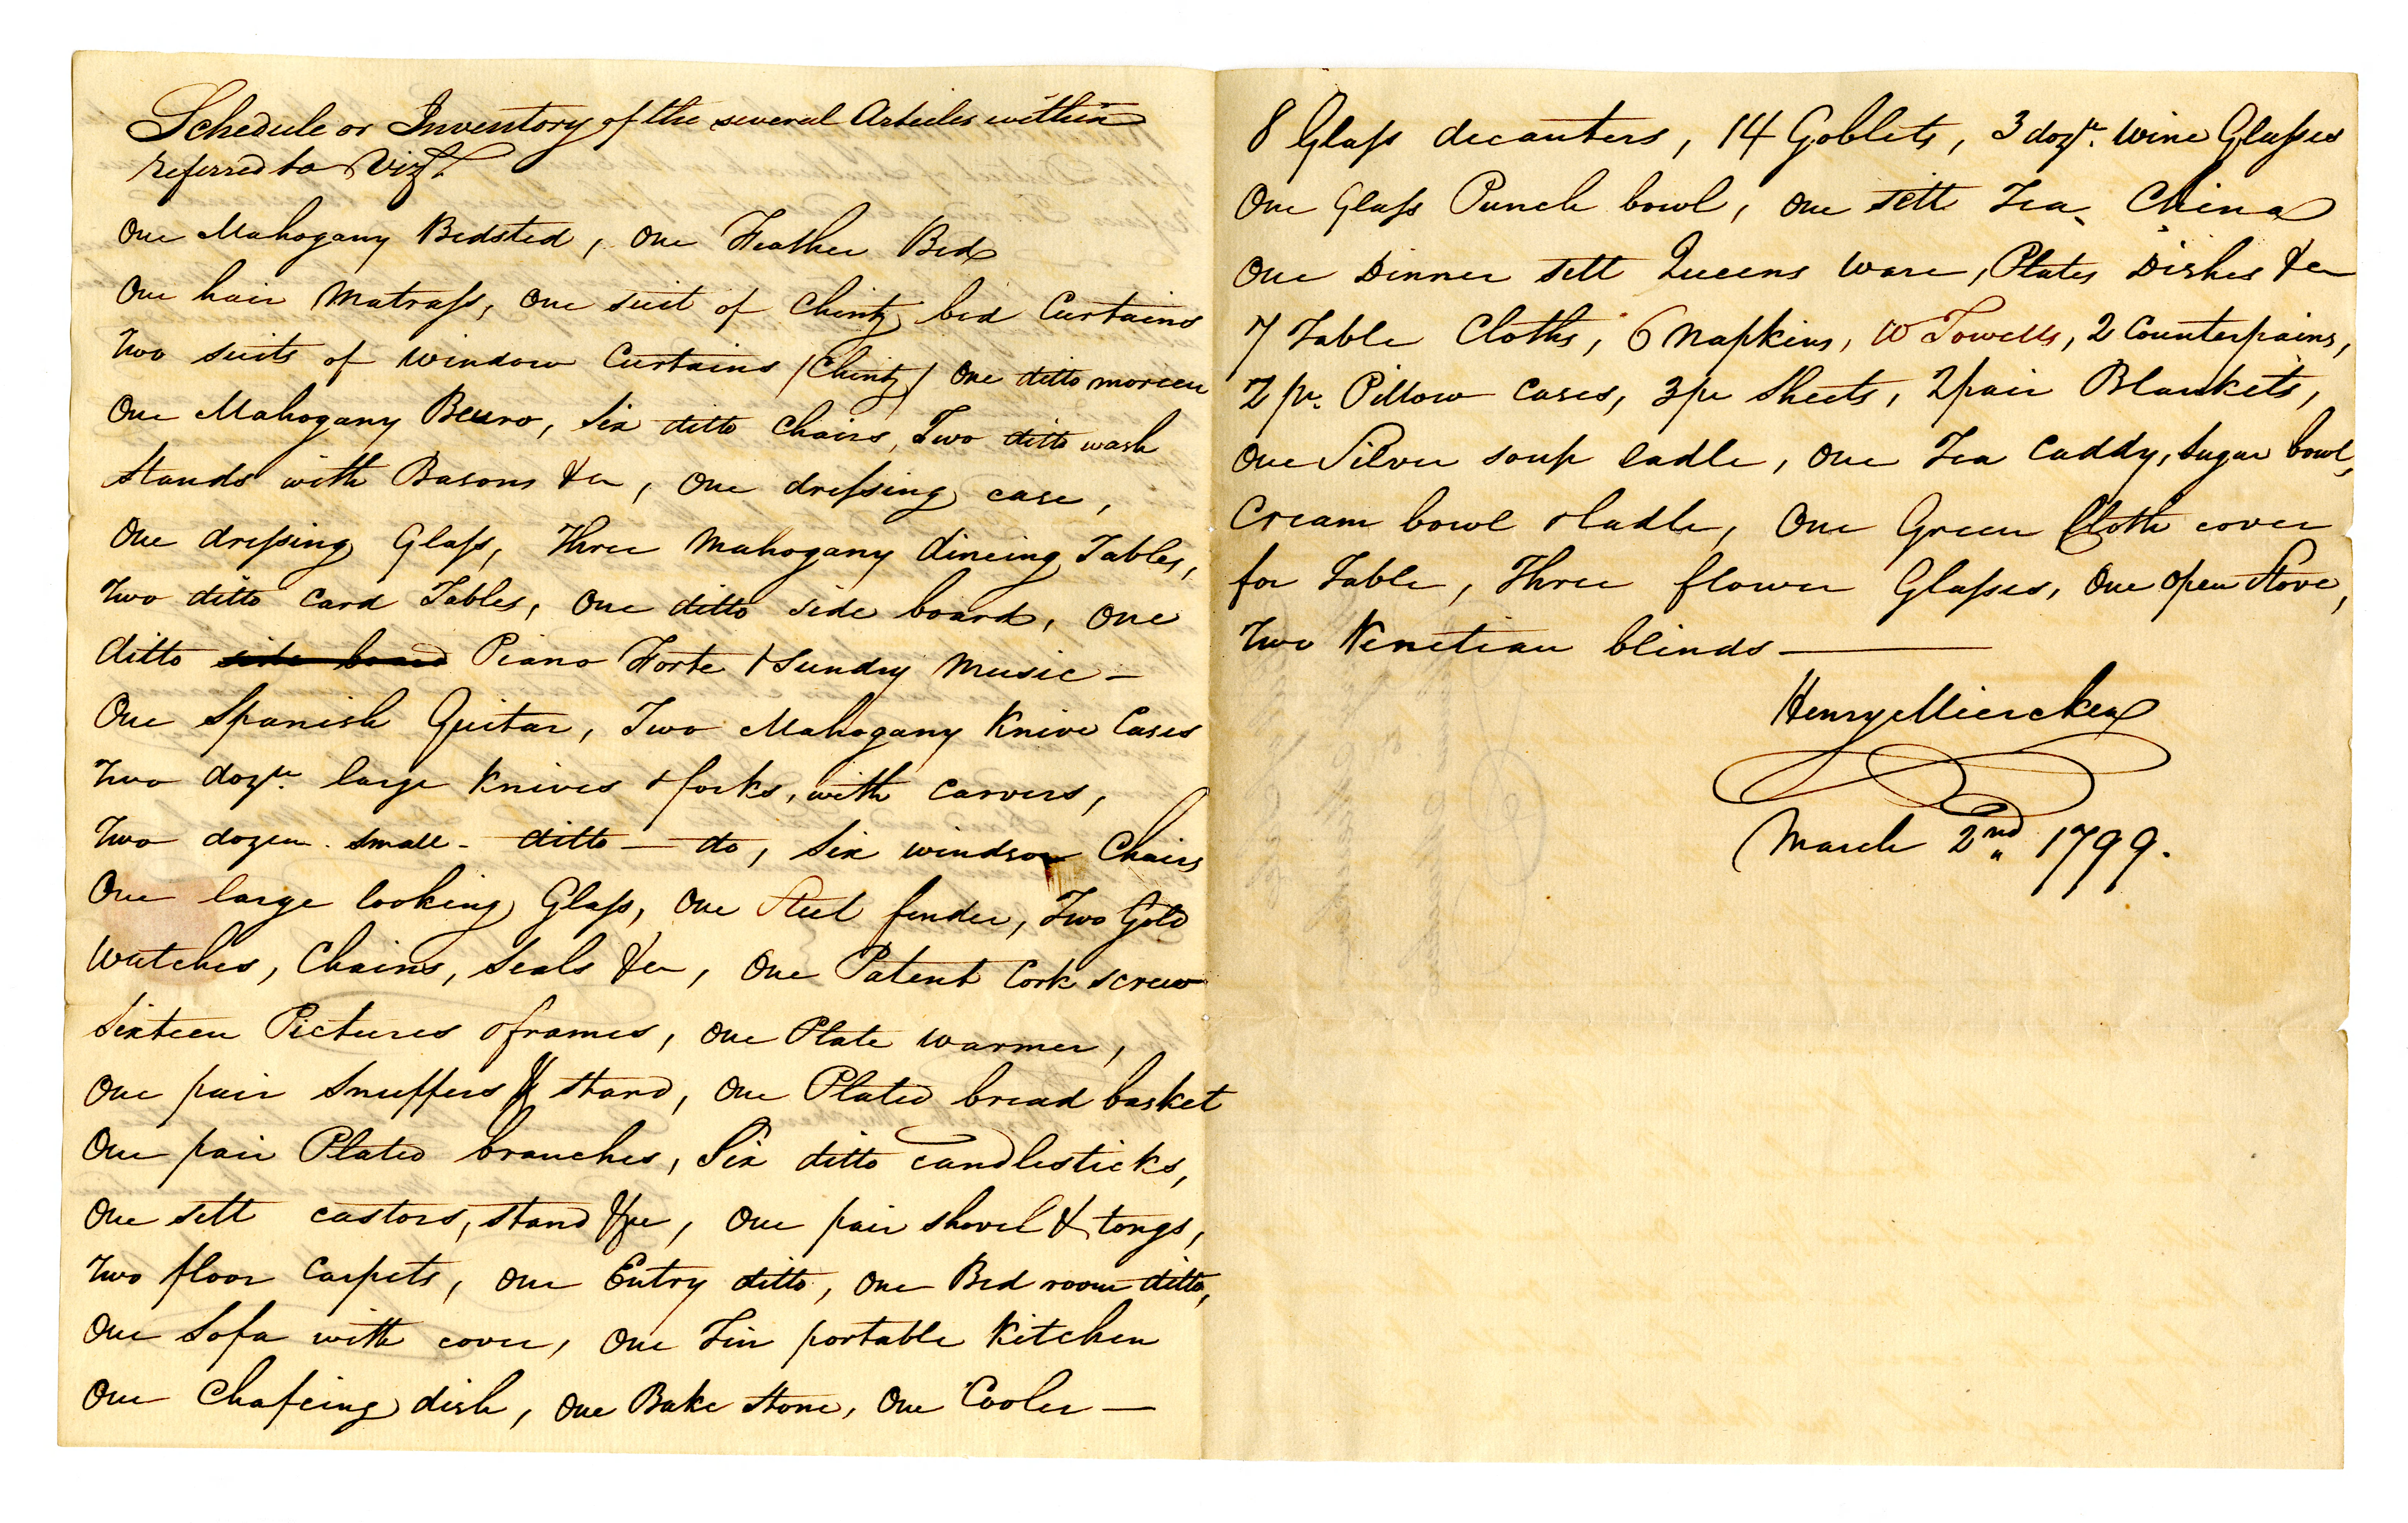Schedule or Inventory of the several Articles within
reffered to Viz^t.
One Mahogany Bedsted, one Feather Bed
One hair Matress, one suit of chintz bed Curtains
Two suits of window Curtains /Chintz/ one ditto morceu
One Mahogany Beuro, Six ditto chairs, two ditto wash
Stands with Basons &c, one dressing case,
one dressing Glass, Three Mahogany dining Tables,
Two ditto card Tables, one ditto side board, one
ditto Piano Forte & sundry music-
One Spanish Guitar, Two Mahogany Knive Cases
Two doz^n. large Knives & forks, with carvers,
Two dozen. small. ditto-do, six windsor Chairs
One large looking Glass, one Steel fender, Two Gold
watches, Chains, seals &c, one Patent cork screw
Sixteen Pictures & frames, one Plate warmer,
one pair snuffers & stand, one Plated bread basket
one pair Plated branches, Six ditto candlesticks,
one sett castors, stand &c, one pair shovel & tongs,
Two floor carpets, one Entry ditto, one Bed room ditto,
one Sofa with cover, one Tin portable kitchen
one chafeing dish, one Bake stone, one cooler-
8 Glass decanters, 14 Goblets, 3 doz^n. wine Glasses
one Glass Punch bowl, one sett Tea China
One Dinner sett Queens ware, Plates Dishes &c
7 Table Clothes, 6 napkins, 10 Towells, 2 Counterpains,
2 pc. Pillow cases, 3 pc sheets, 2 pair Blankets,
one Silver soup ladle, one Tea caddy, sugar bowl,
cream bowl & ladle, one Green Cloth cover
for Table, Three flower Glasses, one open Stove,
Two Venetian blinds-
Henry Miercken
March 2^nd. 1779.